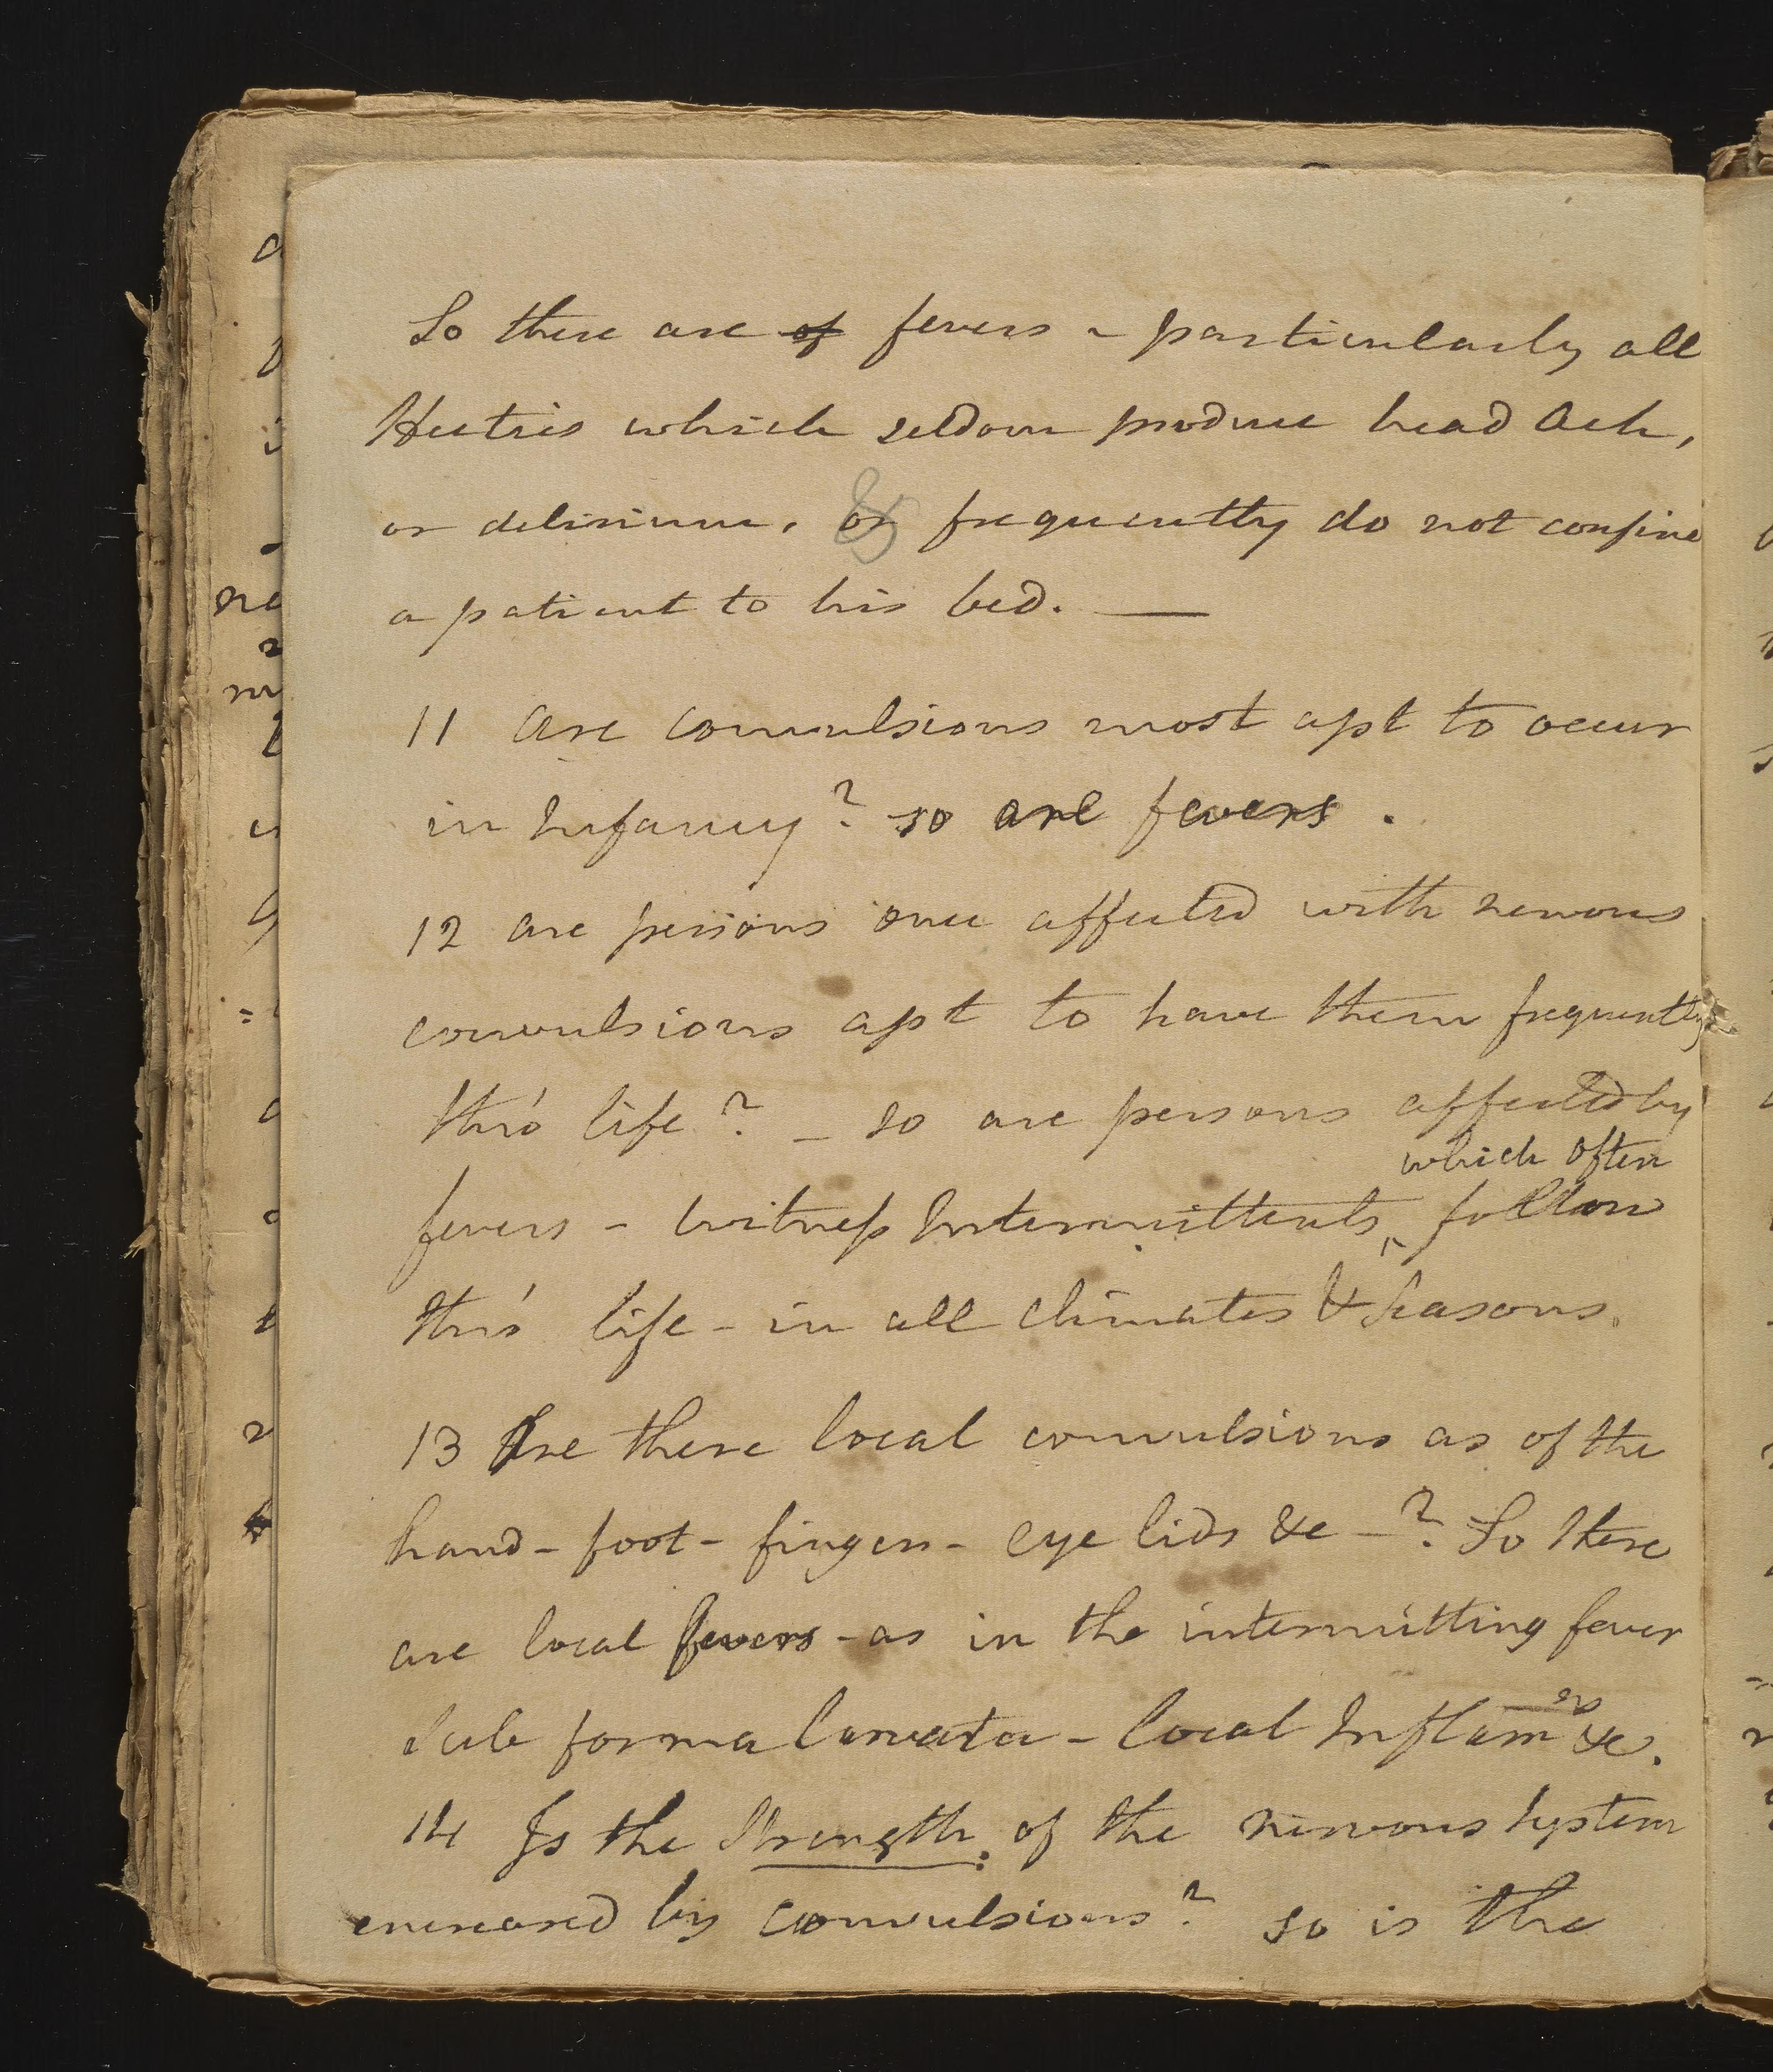So there are [of] fevers- particularly all
Histries which seldom produce headach,
or delirium, or frequently do not confine
a patient to his bed.
11 Are convulsions most apt to occur
in infancy? So are fevers.
12 Are persons once affected with nervous
convulsions apt to have them frequently
thro' life?- So are persons affected by
which often
fevers. Witness intermittents ^ follow
this life in all climates & seasons.
13 Are there local convulsions as of the
hand, foot, finger, eyelids, &c-? So there
are local fevers, as in the intermitting fever
form a laniator, local inflam^y &c
14 Isthe strength of the nervous system
encreased by convulsions? So is the